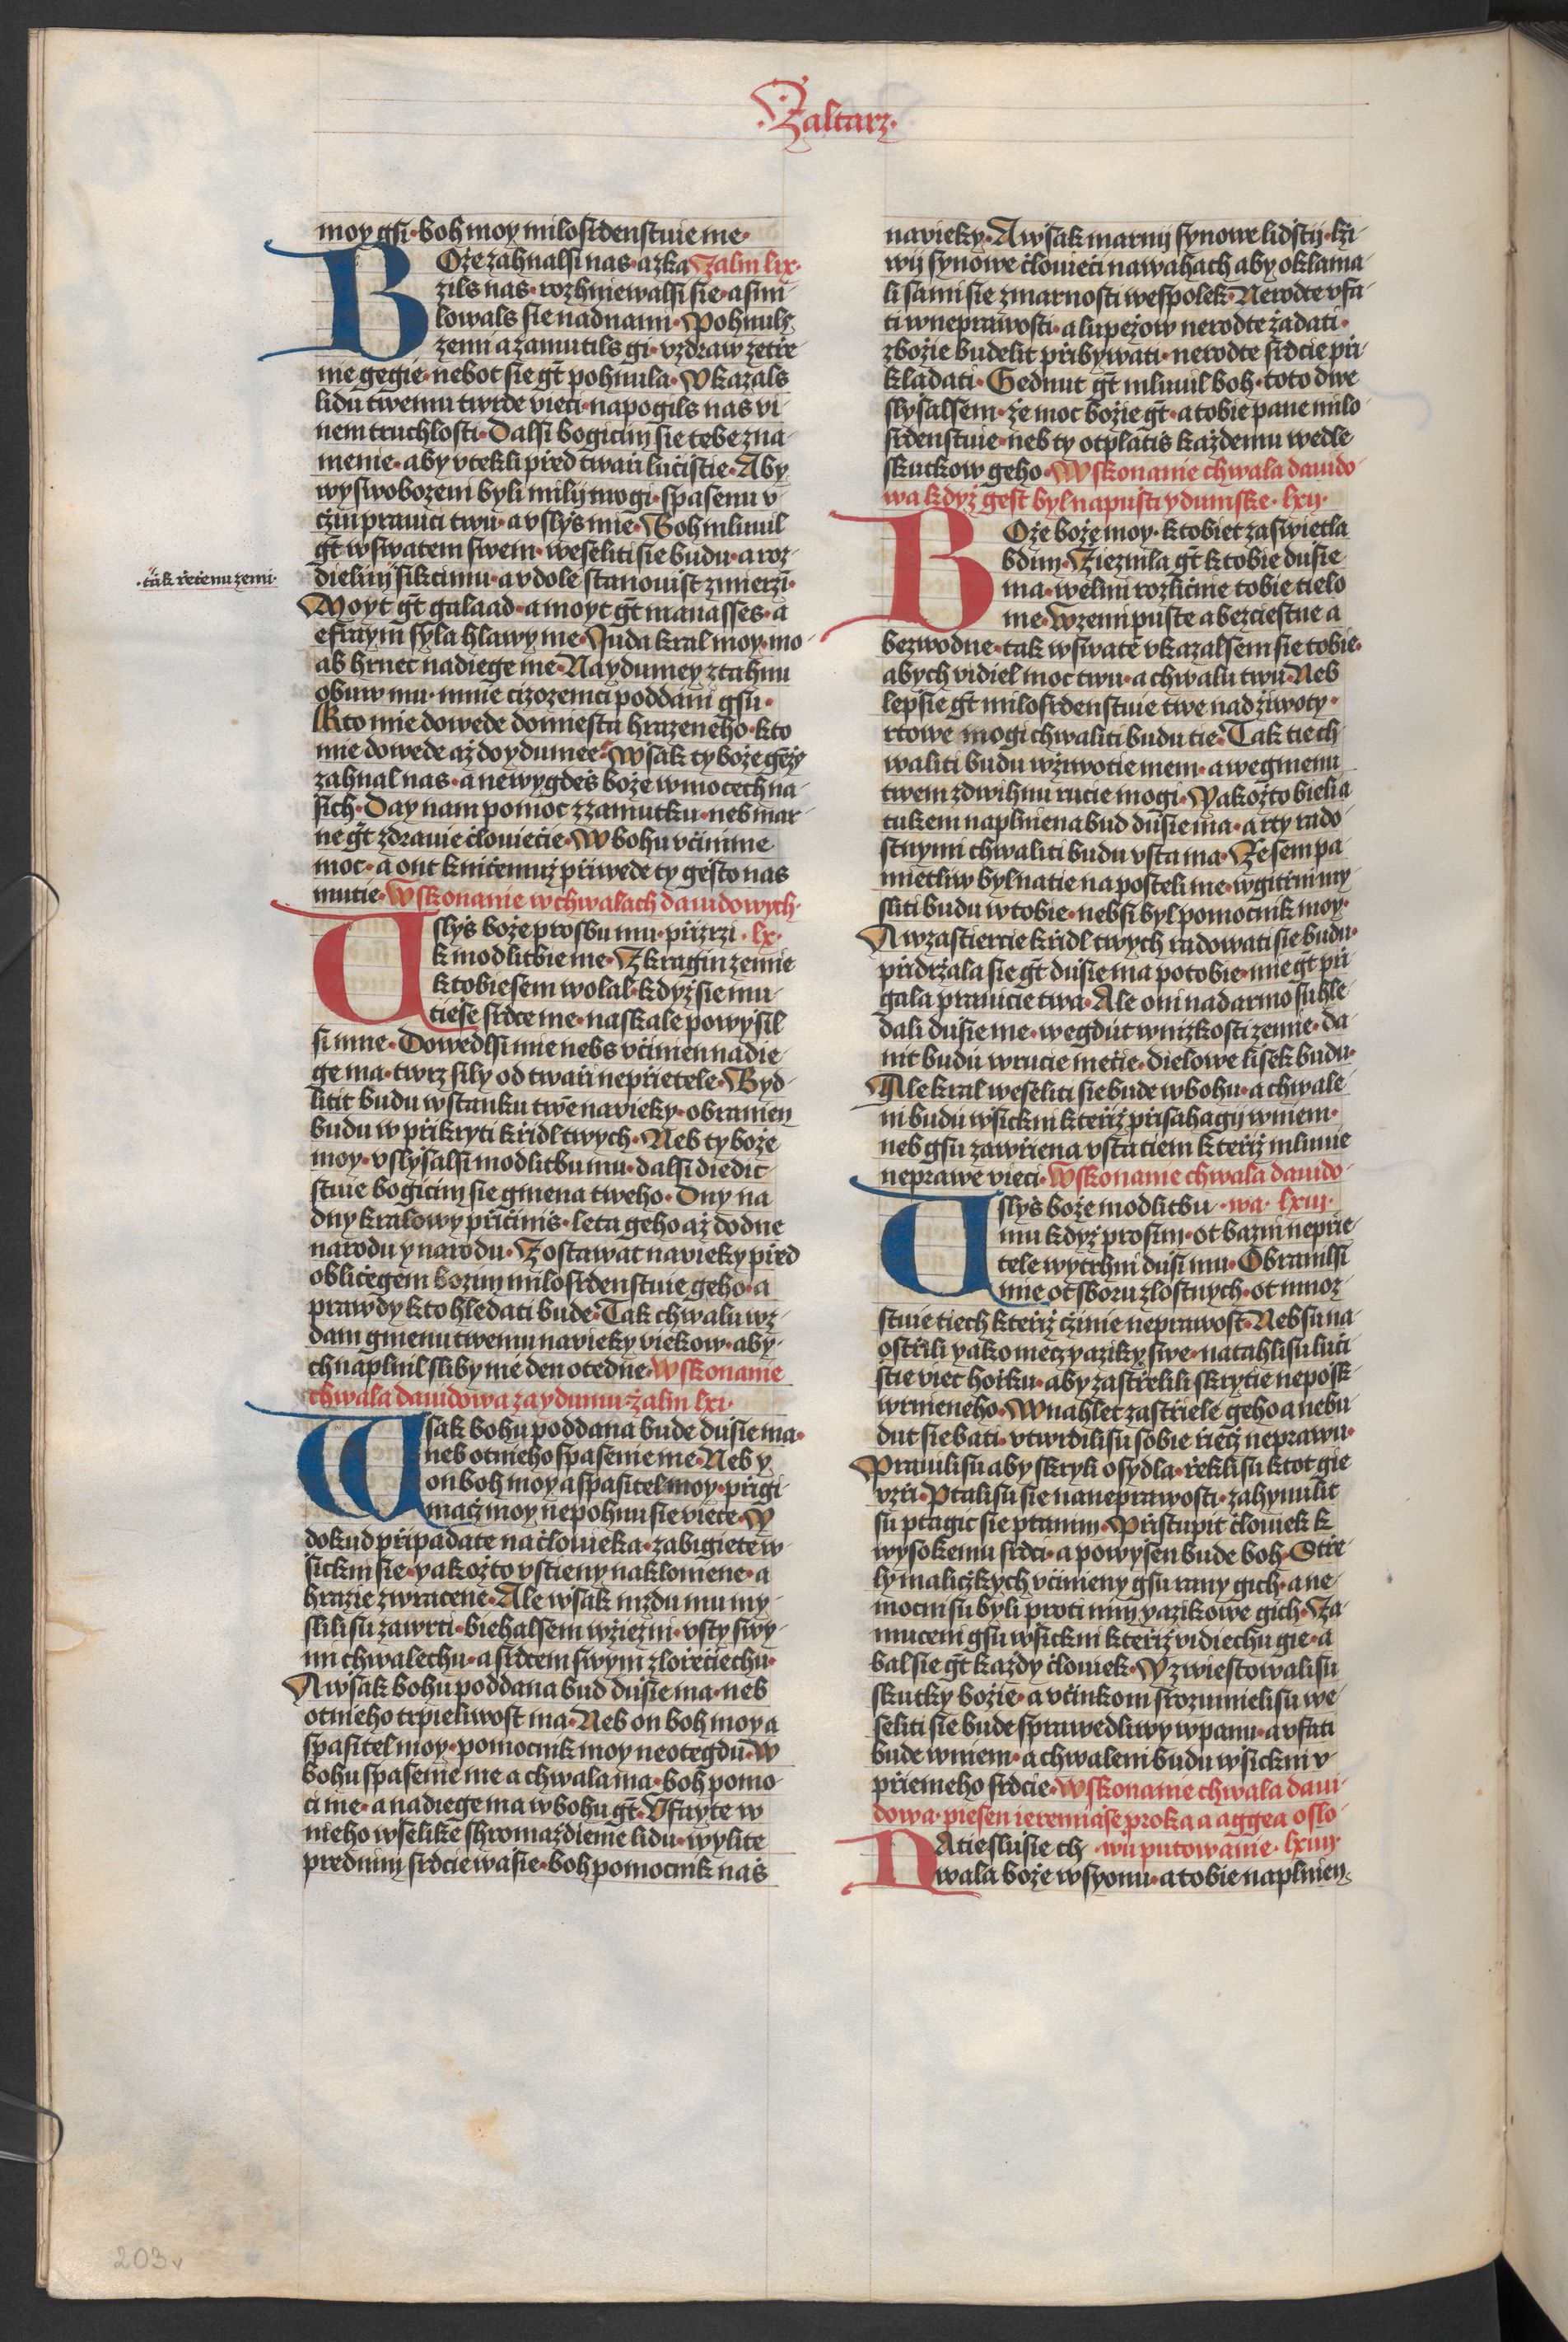.Żaltarz.
moy gſi.boh moy miloſrdenſtuie me.
Oże zahnalſi nas.a zka.Zalm lix.
zils nas.rozhniewalſi ſie.aſmí¬
lowals ſie nadnami.Pohnuls
zemí a zamutils gi.vzdraw zetṙe¬
nie gegíe.nebot ſie ḡt pohnula.Vkazals
lidu twemu twrde vieci.napogils nas vi¬
nem truchloſti.Dalſi bogicím ſie tebe zna¬
menie.aby vtekli pṙed twaṙi luċiẛtie.Aby
wyſwobozeni byli milij twogi.ſpaſenu v¬
cżini prauici twu.a vſlyṡ mie.Boh mluuil
ḡt wſwatem ſwem.weſeliti ſie budu.a roz¬
dielim ẛikcimu.a v dolé ſtanouiẛt zmierzī.
Moyt ḡt galaad.a moyt ḡt mana ſſes.a
eſraym ſyla hlawy me.Iuda kral moy.mo¬
ab hrnec nadiege me.Na ydumey ztahnu
obuw mu.mnie cizozemci poddáni gſu.
Kto mie dowede domieſta hrazeneho.kto
mie dowede aż do ydumee?Wẛak ty boże gēżs
zahnal nas.a newygdeṡ boże wmocech na¬
ẛich.Day nam pomoc z zamutku.neb mar¬
ne ḡt zdrauíe ċlouíeċíe.W bohu vċinime
moc.a ont kniċemuż pṙiwede ty geẛto nas
mutíe.Wſkonaníe w chwalach dauidowych.
ſlyš bože proſbu mu.pṙízrzi.lx.
k modlitbie me.Zkragín zemie
ktobieſem wolal.kdyż ſie mu¬
tíeẛe ſrdce me.naſkale powyẛil
ſi mne.Dowedlſi mie nebs vċinien nadie¬
ge ma.twrz ſily od twaṙi nepṙíetele.Byd¬
litit budu wſtanku twē navieky.obranien
budu w pṙíkrytí kṙídl twych.Neb ty boże
moy.vſlyẛalſi modlitbu mu.dalſi diedic¬
ſtuíe bogícím ſie gmena tweho.Dny na
dny kralowy pṙiċíníṡ.leta geho aż dodne
narodu y narodu.Zoſtawat navieky pṙed
obliċegem bozím míloſrdenſtuíe geho.a
prawdy kto hledatí bude.Tak chwalu wz¬
dam gmenu twemu navieky víekow.aby¬
ch naplnil ſliby mé den otedne.Wſkonaníe
chwala dauidowa zaydumu.żalm lxi.
ſak bohu poddana bude duẛie ma.
neb otníeho ſpaſeníe me.Neb y
on boh moy a ſpaſitel moy.pṙigi¬
macż moy nepohnuſie víece.Y
dokud pṙípadate na ċlouieka.zabigíete w¬
ẛickni ſie.yakożto vſtieny nakloníene.a
hrazie zwracene.Ale wẛak mzdu mu my¬
ſlili ſu zawrti.bíehalſem wżiezni.vſty ſwy¬
mi chwalechu.a ſrdcem ſwym zloṙeċíechu.
Awẛak bohu poddana bud duẛie ma.neb
otnieho trpieliwoſt ma.Neb on boh moy a
ſpaſitel moy.pomocník moy neotegdu.W
bohu ſpaſenie me a chwala ma.boh pomo¬
ci me.a nadiege ma w bohu ḡt.Vſayte w
nieho wẛelike ſhromażdieníe lidu.wylite
prednim ſrdcie waẛie.boh pomocník naṡ
navieky.Awẛak marnij ſynowe lidẛtij.lżi¬
wij ſynowe ċlouieċí nawahach aby oklama¬
li ſami ſie zmarnoſti weſpolek.Nerodte vſa¬
ti wneprawoſti.a lupeżow nerodte żadati.
zbożíe budelit pṙibywati.nerodte ſrdcie pṙi¬
kladati.Sednut ḡt mluuil boh.toto dwe
ſlyẛalſem.że moc bożie ḡt.a tobie pane milo¬
ſrdenſtuie.neb ty otplatiṡ każdemu wedlle
ſkutkow geho.Wſkonaníe chwala dauido¬
wa kdyż geſt byl napuẛti ydumſke.lxij.
Ože boże moy.ktobiet zaſwietla
bdím.Żieznila ḡt ktobie duẛie
ma.welmi rozliċnie tobie tielo
me.Wzemi puſte a bezcieſtne a
bezwodne.tak wſwatē vkazalſem ſie tobie.
abych vidiel moc twu.a chwalu twu.Neb
lepẛie ḡt miloſrdenſtuíe twe nad żiwoty.
rtowe mogi chwaliti budu tie.Tak tie ch¬
waliti budu wżiwotie mem.a wegmenu
twem zdwihnu rucie mogi.Yakożto bielí a
tukem naplniena bud duẛie ma.a rty rado¬
ſtnymi chwaliti budu vſta ma.Ze ſem pa¬
mietliw byl natie na poſteli me.wgitṙni my¬
ſliti budu w tobie.nebſi byl pomocník moy.
A wzaſtiercie kṙidl twych radowatiſie budu.
pṙidrżala ſie ḡt duẛie ma potobie.mie ḡt pṙi¬
gala prauicie twa.Ale oni nadarmo ſu hle¬
dali duẛie me.wegdút wnízkoſti zemie.da¬
nít budú wrucie meċie.dielowe liſek budu.
Ale kral weſeliti ſie bude wbohu.a chwale¬
ni budú wẛickni kteṙíż pṙiſahagij wníem.
neb gſu zawṙíena vſta tiem kteṙíż mluuíe
neprawe vieci.Wſkonaníe chwala dauido¬
ſlyṡ boże modlitbu .wa.lxiij.
mu kdyż proſim.ot bazni nepṙie¬
tele wytrhni duẛi mu.Obranilſi
mie ot ſboru zloſtnych.ot mnoz¬
ſtuíe tiech kteṙiż cżiníe neprawoſt.Neb ſu na¬
oſtṙili yako mecz yaziky ſwe.natahliſu luċi¬
ẛtie viec hoṙku.aby zaſtṙelili ſkrytie nepoẛk¬
wrnieneho.Wnahlet zaſtṙielé geho a nebu¬
dut ſie bati.vtwrdiliſu ſobie ṙiecż neprawu.
Prauiliſu aby ſkryli oſydla.ṙekli ſu ktot gie
vzṙi.Ptaliſu ſie naneprawoſti.zahynulit
ſu ptagíc ſie ptaním.Pṙiſtupít ċlouiek k
wyſokemu ſrdci.a powyẛen bude boh.Stṙe¬
ly malicżkych vċinieny gſu rany gich.ane¬
mocní ſu byli proti nim yazikowe gich.Za¬
muceni gſu wẛickni kteṙíż vidíechu gie.a
bal ſie ḡt każdy ċlouiek.Y zwieſtowaliſu
ſkutky bożíe.a vċinkom ſrozumíeliſu we¬
ſeliti ſie bude ſprawedliwy w panu.a vſati
bude wníem.a chwaleni budu wẛickni v¬
pṙíemeho ſrdcie.Wſkonaníe chwala daui¬
dowa.pieſen ieremíaẛe ꝓroka a aggea oſlo¬
A tieſluẛie ch .wu putowaníe.lxiiij.
wala boże wſyonu.a tobie naplnien